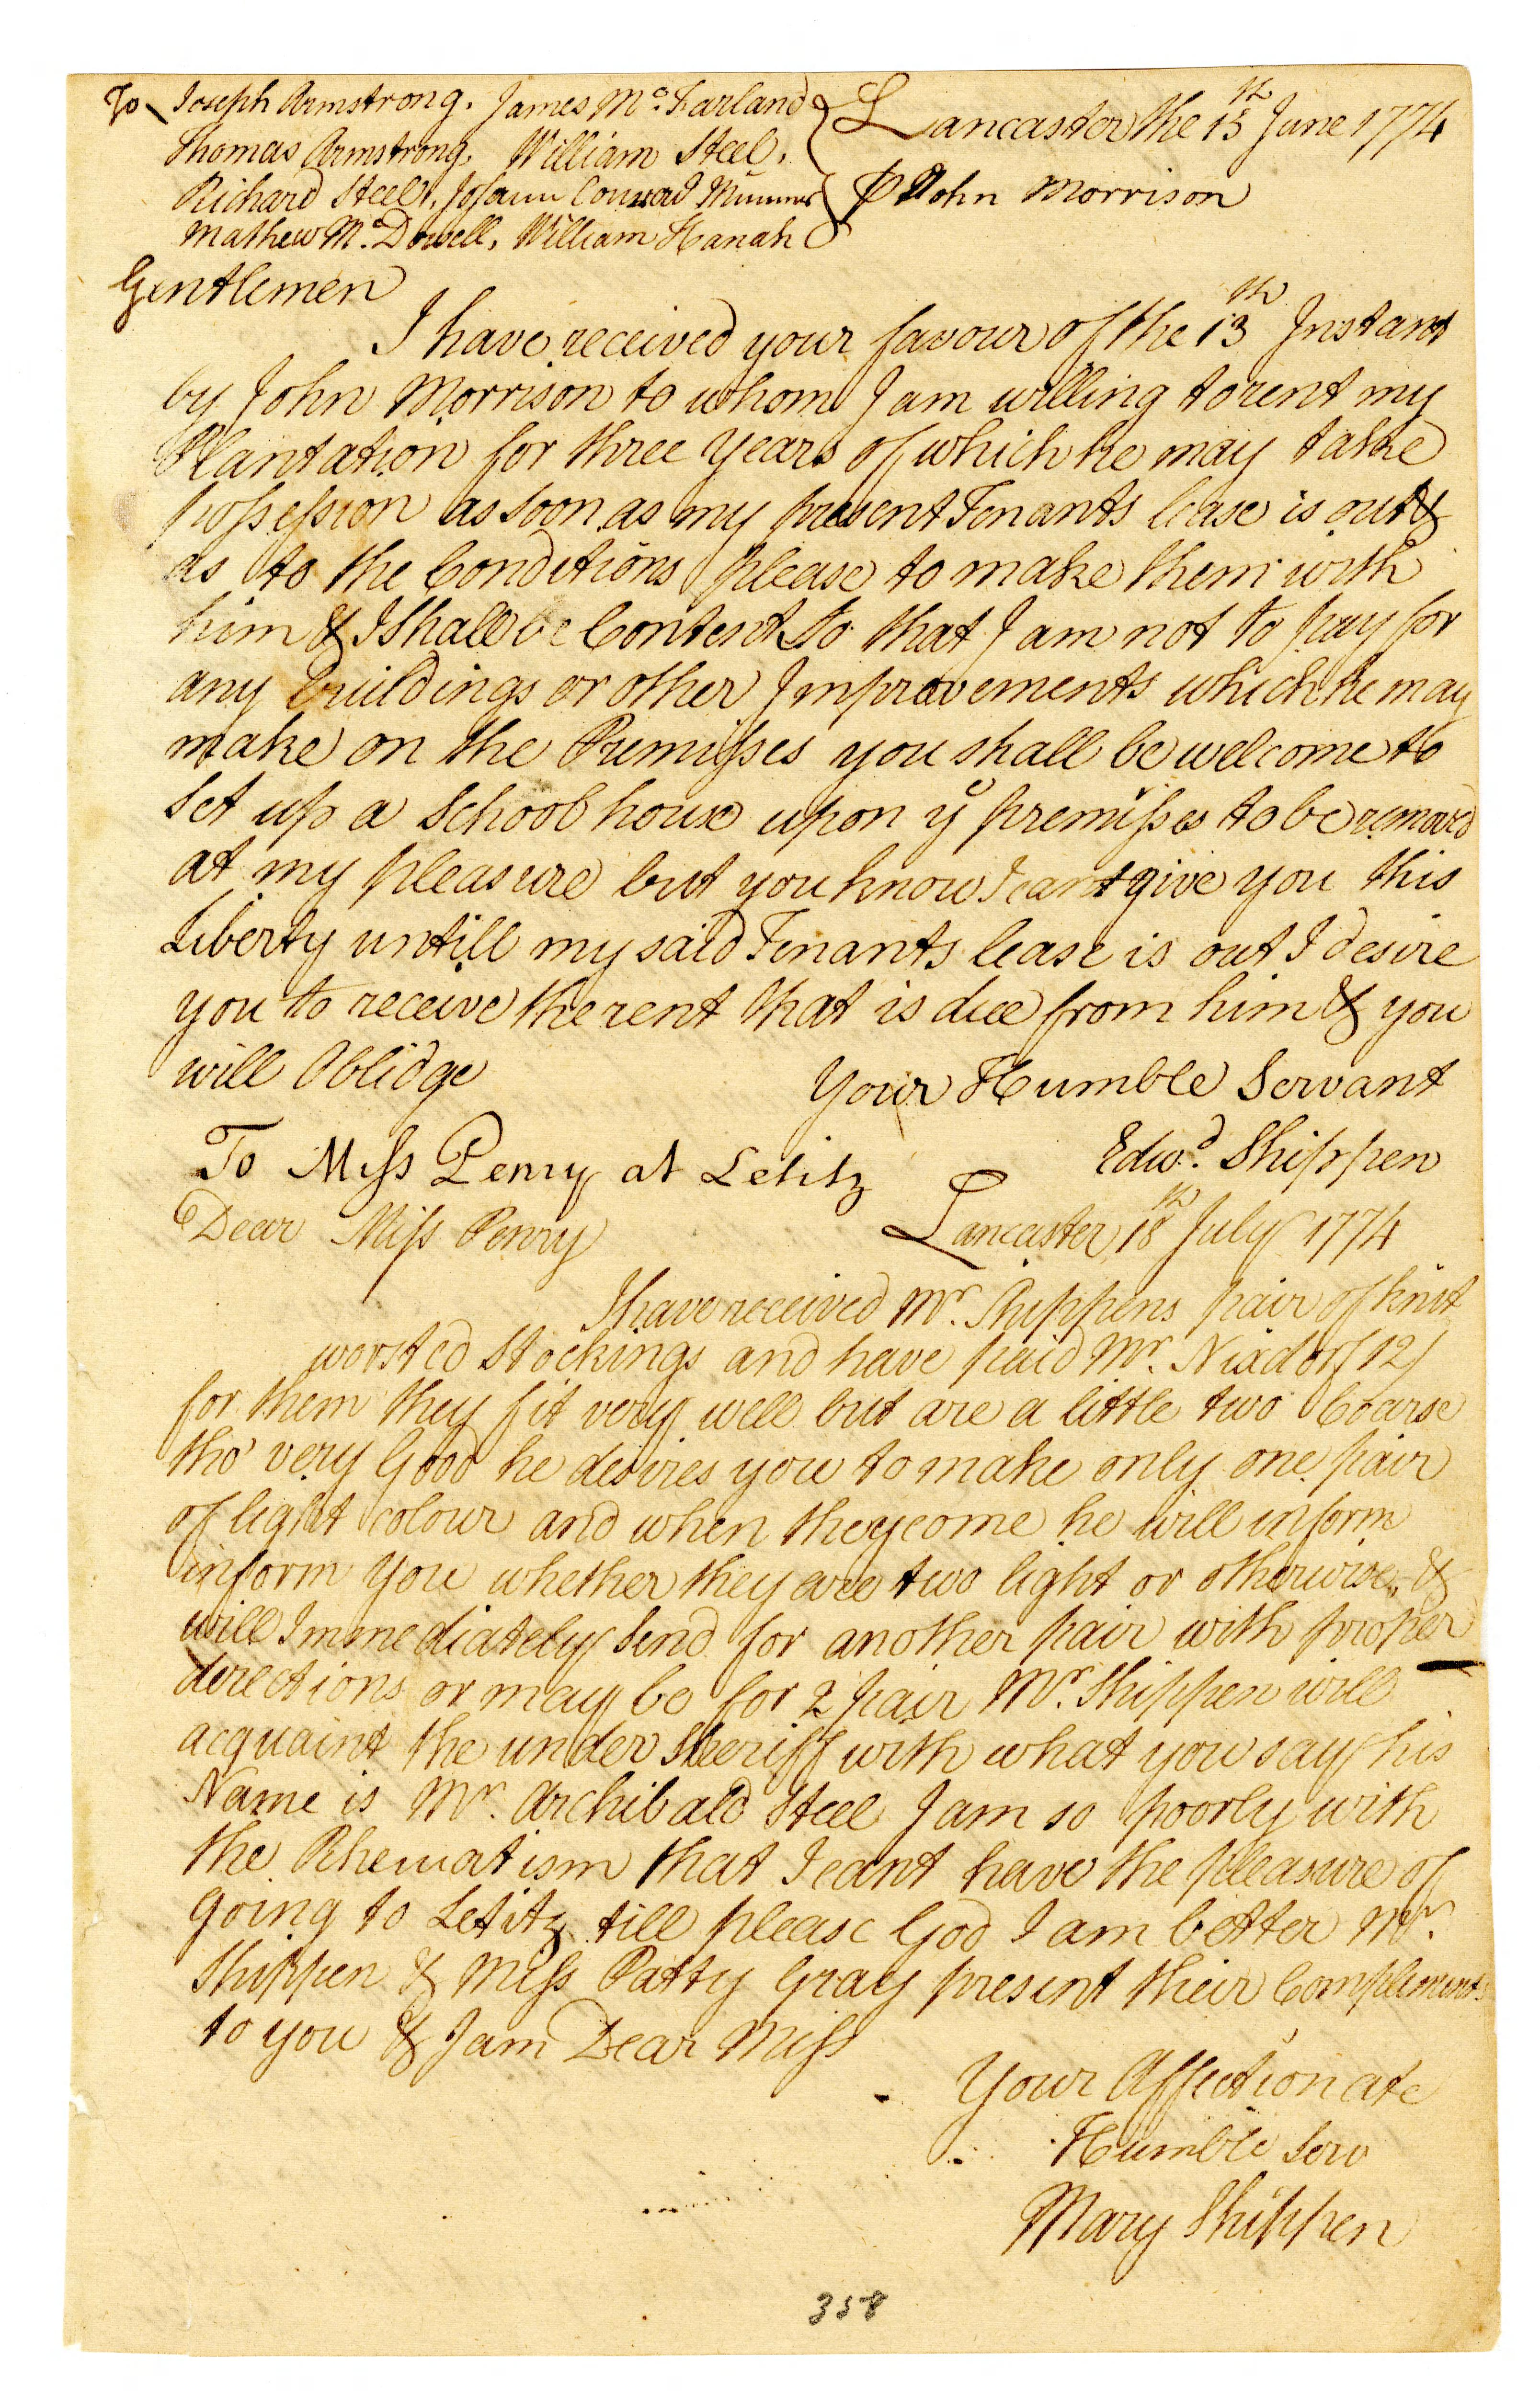To Joseph Armstrong, James M^c.Farland
Thomas Armstrong, William Steel,
Richard Steel, Josaiam Coroud Minner
Mathew M. Dowell, William Hanah
Lancaster the 15^th June 1774
per John Morrison
Gentlemen
I have received your favour of the 13^th Instant
by John Morrison to whom I am willing so rent my
Plantation for three years of which he may take
possession as soon as my present Tenants lease is out &
is to the Conditions please to make them with
him & I Shall be Content to that I am not to pay for
any buildings or other Improvements which he may
make on the Premisses you shall be welcome to
Set up a School house upon y^e premisses to be removed
at my pleasure but you know I cant give you this
Liberty untill my said Tenants lease is out I desire
you to receive the rent that is due from him & you
will Oblidge
Your Humble Servant
Edw^d. Shippen
To Miss Penny at Letitz
Lancaster 18^th July 1774
Dear Miss Penny
I have received M^r. Shippens pair of knit
worsted Stockings and have paid M^r. Nixdorf 12s
for them they fit very well but are a little two Coarse
tho' very Good he desires you to make only one pair
of light colour and when they come he will inform
inform You whether they are two light or otherwise, &
will Immediately send for another pair with proper
directions or may be for 2 pair M^r. Shippen will
acquaint the under Sheriff with what you say his
Name is M^r. Archibald Steel I am so poorly with
the Rheumatism that I cant have the pleasure of
going to Letitz till please God I am better M^r
Shippen & Miss Patty Gray present their Compliments
to you & I am Dear Miss
Your Affectionate
Humble Serv
Mary Shippen